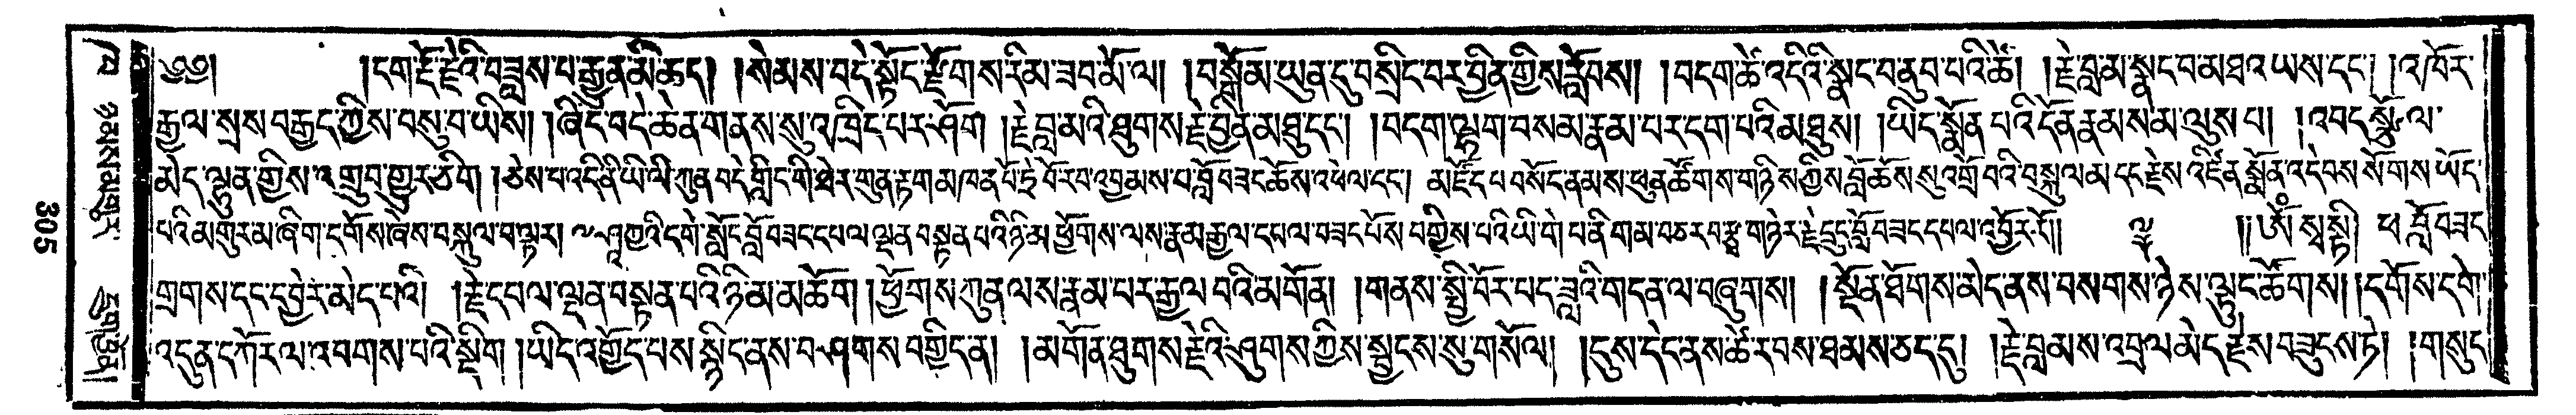༄༅། །དག་རྡོ་རྗེའི་བཟླས་པ་རྒྱུན་མི་ཆད། །སེམས་བདེ་སྟོང་རྫོགས་རིམ་ཟབ་མོ་ལ། །བསྒོམ་ཡུན་དུ་བསྲིང་བར་བྱིན་གྱིས་རློབས། །བདག་ཚེ་འདིའི་སྣང་བ་ནུབ་པའི་ཚེ། །རྗེ་བླ་མ་སྣང་བ་མཐའ་ཡས་དང་། །འཁོར་
རྒྱལ་སྲས་བརྒྱད་ཀྱིས་བསུ་བ་ཡིས། །ཞིང་བདེ་ཆེན་གནས་སུ་འཁྲིད་པར་ཤོག །རྗེ་བླ་མའི་ཐུགས་རྗེ་བྱིན་མཐུ་དང་། །བདག་ལྷག་བསམ་རྣམ་པར་དག་པའི་མཐུས། །ཡིད་སྨོན་པའི་དོན་རྣམས་མ་ལུས་པ། །འབད་སྩོལ་
མེད་ལྷུན་གྱིས་འགྲུབ་གྱུར་ཅིག །ཅེས་པ་འདི་ནི་ཡི་ལི་ཀུན་བདེ་གླིང་གི་ཐེར་གུན་རྟག་མཁན་པོ་ཏྲེ་བོ་རབ་འབྱམས་པ་བློ་བཟང་ཆོས་འཕེལ་དང་། མཛོད་པ་བསོད་ནམས་ཕུན་ཚོགས་གཉིས་ཀྱིས་བློ་ཆོས་སུ་འགྲོ་བའི་བསྐུལ་མ་དང་རྗེས་འཛིན་སྨོན་འདེབས་སོགས་ཡོད་
པའི་མགུར་མ་ཞིག་དགོས་ཞེས་བསྐུལ་བ་ལྟར། ༧་ཤཱཀྱའི་དགེ་སློང་བློ་བཟང་དཔལ་ལྡན་བསྟན་པའི་ཉི་མ་ཕྱོགས་ལས་རྣམ་རྒྱལ་དཔལ་བཟང་པོས་བགྱིས་པའི་ཡི་གེ་པ་ནི་གམ་བཅར་བ་རྩྭ་གཉེར་རྗེ་དྲུང་བློ་བཟང་དཔལ་འབྱོར་རོ།། ༈ །།ཨོཾ་སྭ་སྟི། ཕ་བློ་བཟང་
གྲགས་དང་དབྱེར་མེད་པའི། །རྗེ་དཔལ་ལྡན་བསྟན་པའི་ཉི་མ་མཆོག །ཕྱོགས་ཀུན་ལས་རྣམ་པར་རྒྱལ་བའི་མགོན། །གནས་སྤྱི་བོར་པད་ཟླའི་གདན་ལ་བཞུགས། །སྔོན་ཐོགས་མེད་ནས་བསགས་ཉེས་ལྟུང་ཚོགས། །དགོས་དགེ་
འདུན་དཀོར་ལ་འབགས་པའི་སྡིག །ཡིད་འགྱོད་པས་སྙིང་ནས་བཤགས་བགྱིད་ན། །མགོན་ཐུགས་རྗེའི་ཤུགས་ཀྱིས་སྦྱངས་སུ་གསོལ། །དུས་དེང་ནས་ཚེ་རབས་ཐམས་ཅད་དུ། །རྗེ་བླ་མས་འབྲལ་མེད་རྗེས་བཟུངས་ཏེ། །གསུང་